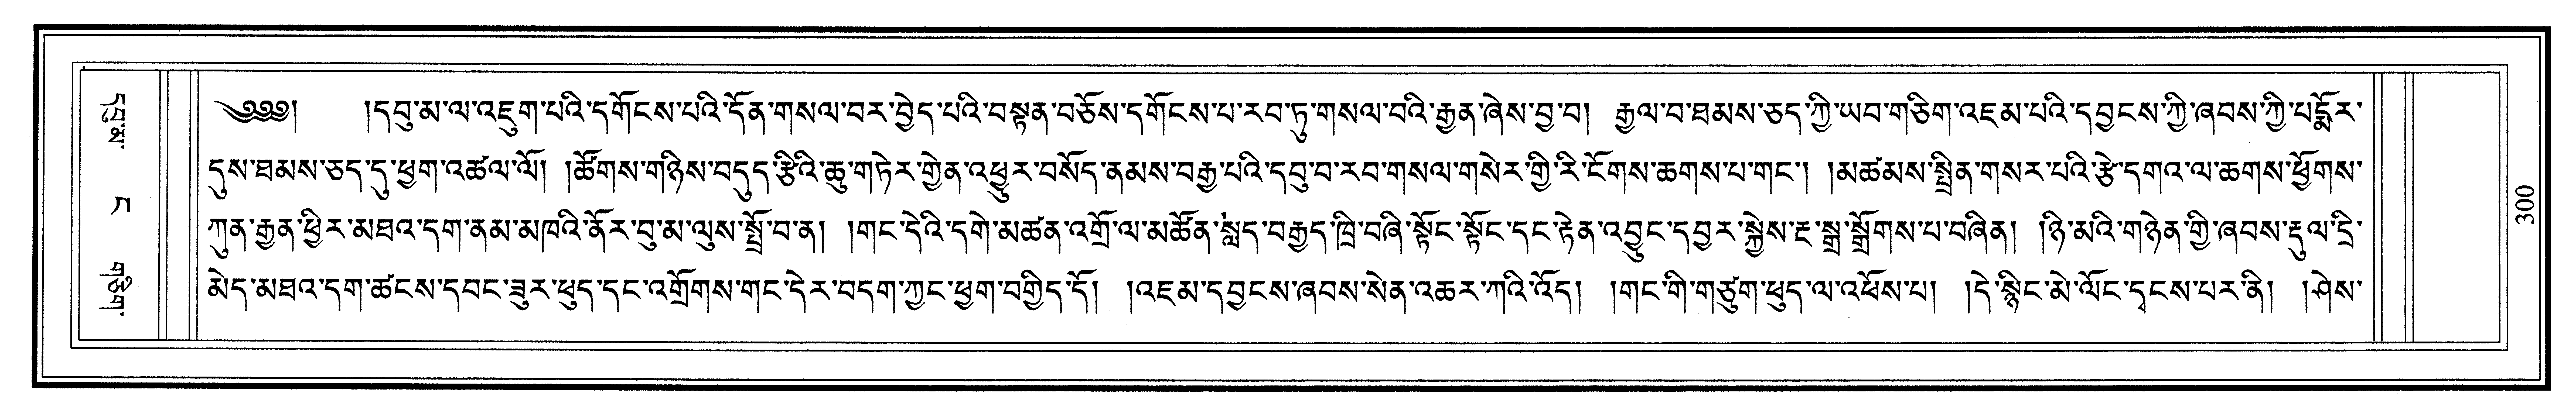༄༅༅། །དབུ་མ་ལ་འཇུག་པའི་དགོངས་པའི་དོན་གསལ་བར་བྱེད་པའི་བསྟན་བཅོས་དགོངས་པ་རབ་ཏུ་གསལ་བའི་རྒྱན་ཞེས་བྱ་བ། རྒྱལ་བ་ཐམས་ཅད་ཀྱི་ཡབ་གཅིག་འཇམ་པའི་དབྱངས་ཀྱི་ཞབས་ཀྱི་པདམོར་
དུས་ཐམས་ཅད་དུ་ཕྱག་འཚལ་ལོ། །ཚོགས་གཉིས་བདུད་རྩིའི་ཆུ་གཏེར་གྱེན་འཕྱུར་བསོད་ནམས་བརྒྱ་པའི་དབུ་བ་རབ་གསལ་གསེར་གྱི་རི་ངོགས་ཆགས་པ་གང་། །མཚམས་སྤྲིན་གསར་པའི་རྩེ་དགའ་ལ་ཆགས་ཕྱོགས་
ཀུན་རྒྱན་ཕྱིར་མཐའ་དག་ནམ་མཁའི་ནོར་བུ་མ་ལུས་སྤྲོ་བ་ན། །གང་དེའི་དགེ་མཚན་འགྲོ་ལ་མཚོན་སླད་བརྒྱད་ཁྲི་བཞི་སྟོང་སྟོང་དང་རྟེན་འབྱུང་དབྱར་སྐྱེས་རྔ་སྒྲ་སྒྲོགས་པ་བཞིན། །ཉི་མའི་གཉེན་གྱི་ཞབས་རྡུལ་དྲི་
མེད་མཐའ་དག་ཚངས་དབང་ཟུར་ཕུད་དང་འགྲོགས་གང་དེར་བདག་ཀྱང་ཕྱག་བགྱིད་དོ། །འཇམ་དབྱངས་ཞབས་སེན་འཆར་ཀའི་འོད། །གང་གི་གཙུག་ཕུད་ལ་འཕོས་པ། །དེ་སྙིང་མེ་ལོང་དྭངས་པར་ནི། །ཤེས་